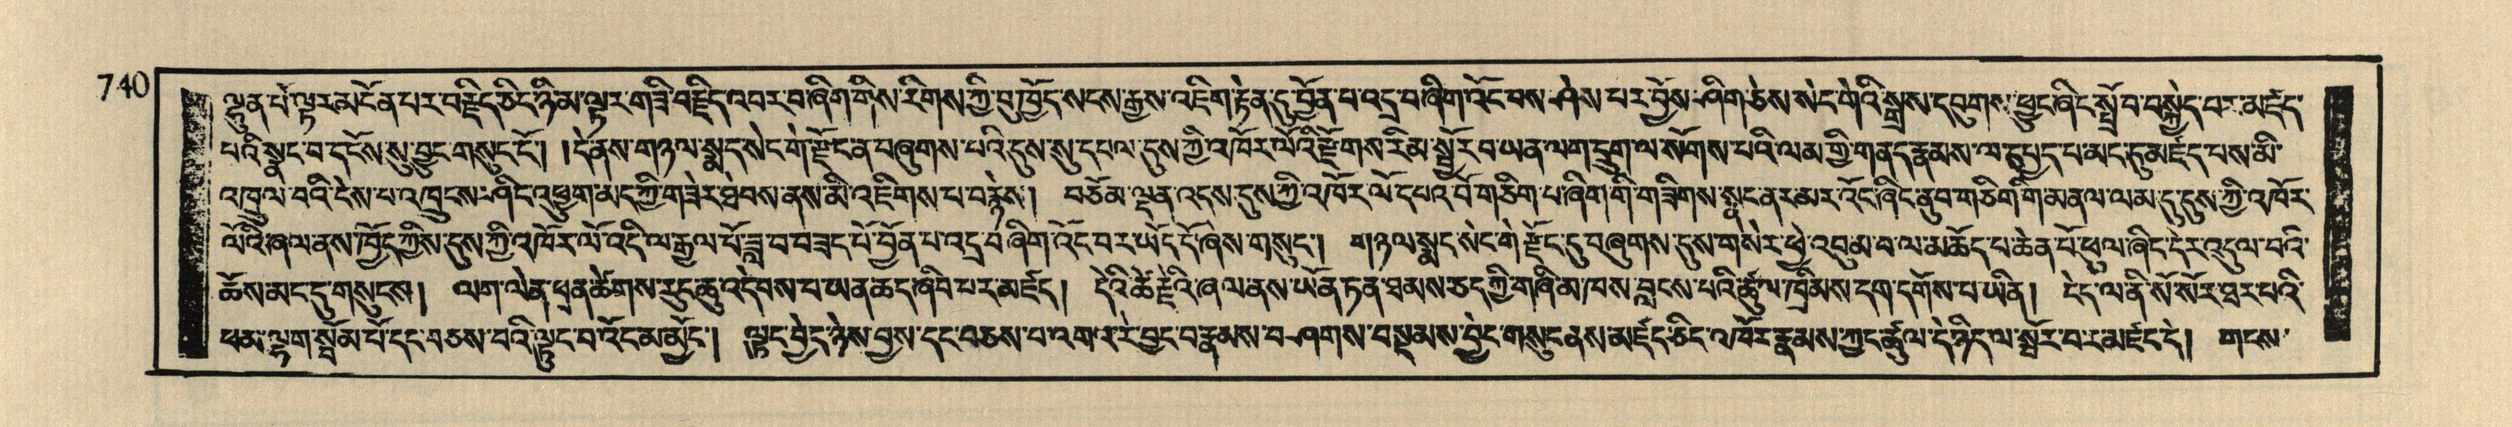ལྷུན་པོ་ལྟར་མངོན་པར་བརྗིད་ཅིང་ཉི་མ་ལྟར་གཟི་བརྗིད་འབར་བ་ཞིག་གིས་རིགས་ཀྱི་བུ་ཁྱོད་སངས་རྒྱས་འཇིག་རྟེན་དུ་བྱོན་པ་འདྲ་པ་ཞིག་འོང་བས་ཤེས་པར་བྱོས་ཤིག་ཅེས་སེང་གེའི་སྒྲས་དབུགས་ཕྱུང་ཞིང་སྤྲོ་བ་བསྐྱེད་པར་མཛད་
པའི་སྣང་བ་དངོས་སུ་བྱུང་གསུང་ངོ། །དེ་ནས་གཉལ་སྨད་སེང་གེ་རྫོང་ན་བཞུགས་པའི་དུས་སུ་དཔལ་དུས་ཀྱི་འཁོར་ལོའི་རྫོགས་རིམ་སྦྱོར་བ་ཡན་ལག་དྲུག་ལ་སོགས་པའི་ལམ་གྱི་གནད་རྣམས་ལ་དཔྱད་པ་མང་དུ་མཛད་པས་མི་
འཁྲུལ་བའི་ངེས་པ་འཁྲུངས་ཤིང་འཕྱུག་མད་ཀྱི་གཟེར་ཐེབས་ནས་མི་འཇིགས་པ་བརྙེས། བཅོམ་ལྡན་འདས་དུས་ཀྱི་འཁོར་ལོ་དཔའ་བོ་གཅིག་པ་ཞིག་གི་གཟིགས་སྣང་ནར་མར་འོང་ཞིང་ནུབ་གཅིག་གི་མནལ་ལམ་དུ་དུས་ཀྱི་འཁོར་
ལོའི་ཞལ་ནས་ཁྱོད་ཀྱིས་དུས་ཀྱི་འཁོར་ལོ་འདི་ལ་རྒྱལ་པོ་ཟླ་བ་བཟང་པོ་བྱོན་པ་འདྲ་བ་ཞིག་འོང་བར་ཡོད་དོ་ཞེས་གསུང་། གཉལ་སྨད་སེང་གེ་རྫོང་དུ་བཞུགས་དུས་གསེར་ཕྱེ་འབུ་མ་བ་ལ་མཆོད་པ་ཆེན་པོ་ཕུལ་ཞིང་དེར་འདུལ་པའི་
ཆོས་མང་དུ་གསུངས། ལན་ལེན་ཕྲན་ཚེགས་རུང་ཆུ་འདེབས་པ་ཡན་ཆད་ཞིབ་པར་མཛད། དེའི་ཚེ་རྗེའི་ཞལ་ནས་ཡོན་ཏན་ཐམས་ཅད་ཀྱི་གཞི་མཁས་བླངས་པའི་ཚུལ་ཁྲིམས་དག་དགོས་པ་ཡིན། ངེད་ལ་ནི་སོ་སོར་ཐར་པའི་
ཕམ་ལྷག་སྦོམ་པོ་དང་བཅས་པའི་ལྟུང་བ་འོང་མ་མྱོང་། ལྟུང་བྱེད་ཉེས་བྱས་དང་བཅས་པ་འགའ་རེ་བྱང་བ་རྣམས་བཤགས་བསྡམས་བྱེད་གསུང་ནས་མཛད་ཅིང་འཁོར་རྣམས་ཀྱང་ཚུལ་དེ་ཉིད་ལ་སྦོར་བར་མཛད་དེ། གངས་